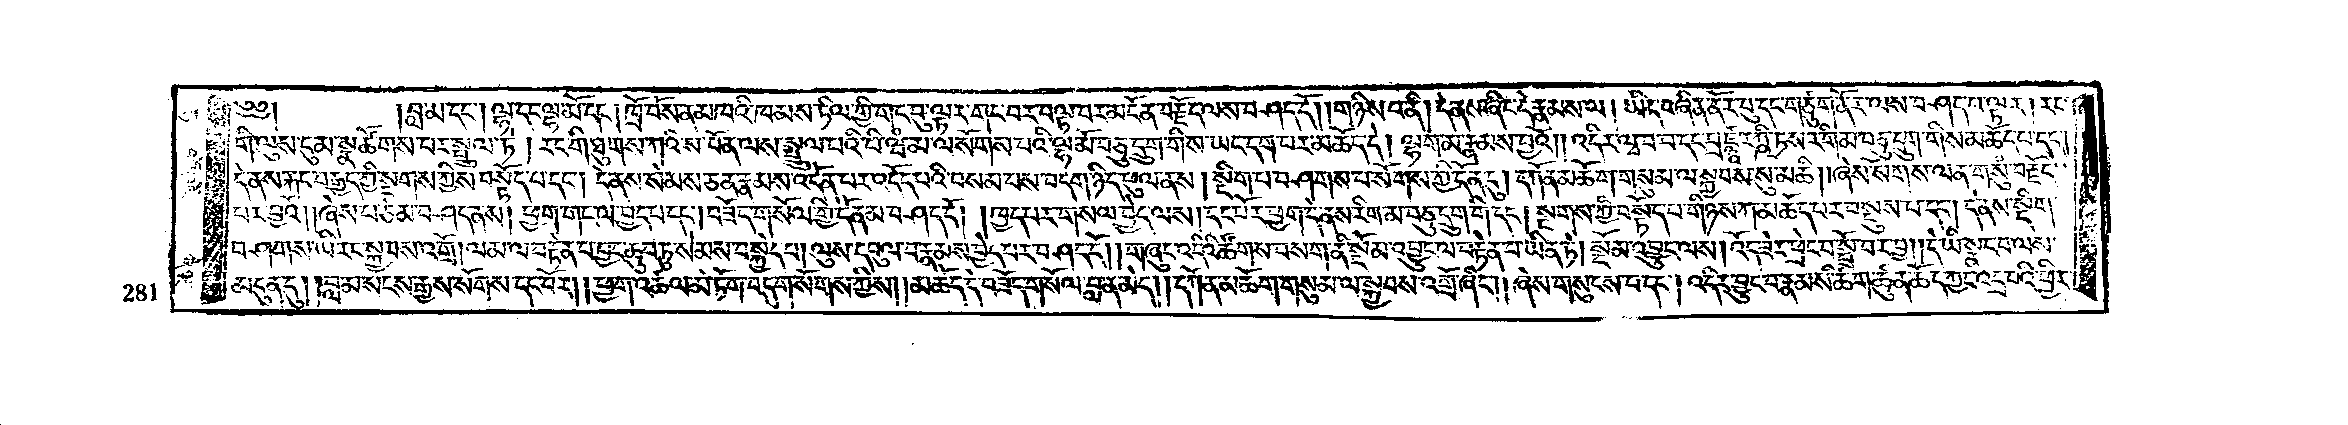༄༅། །བླ་མ་དང་། ལྷ་དང་ལྷ་མོ་དང་། ཁྲོ་བོས་ནམ་མཁའི་ཁམས་ཏིལ་གྱི་གང་བུ་ལྟར་གང་བར་བལྟ་བར་མངོན་བརྗོད་ལས་བཤད་དོ། །གཉིས་པ་ནི། དེ་ནས་ཞིང་དེ་རྣམས་ལ། ཡིད་བཞིན་ནོར་བུ་དང་གཙུག་ནོར་ལས་བཤད་པ་ལྟར། རང་
གི་ལུས་དུ་མ་སྣ་ཚོགས་པར་སྤྲུལ་ཏེ། རང་གི་ཐུགས་ཀའི་ས་བོན་ལས་སྤྲུལ་པའི་པི་ཝཾ་མ་ལ་སོགས་པའི་ལྷ་མོ་བཅུ་དྲུག་གིས་ཡང་དག་པར་མཆོད་དེ། ལྷག་མ་རྣམས་བྱའོ། །འདིར་ལྭ་བ་པ་དང་པྲཛྙཱ་རཀྵི་ཏས་རིག་མ་བཅུ་དྲུག་གིས་མཆོད་པ་དང་།
དེ་ནས་རྐང་བརྒྱད་ཀྱི་སྔགས་ཀྱིས་བསྟོད་པ་དང་། དེ་ནས་སེམས་ཅན་རྣམས་འདོན་པར་འདོད་པའི་བསམ་པས་བདག་ཉིད་ཕུལ་ནས། སྡིག་པ་བཤགས་པ་སོགས་ཀྱི་དོན་དུ། དཀོན་མཆོག་གསུམ་ལ་སྐྱབས་སུ་མཆི། །ཞེས་སོགས་ལན་གསུམ་བརྗོད་
པར་བྱའོ། །ཞེས་པ་ཙམ་བཤད་ནས། ཕྱག་གང་ལ་བྱེད་པ་དང་། བཟོད་གསོལ་གྱི་དོན་མ་བཤད་དོ། །ཁྱད་པར་གསལ་བྱེད་ལས། དང་པོར་ཕྱག་དེ་ནས་རིག་མ་བཅུ་དྲུག་གི་དང་། སྔགས་ཀྱི་བསྟོད་པ་གཉིས་ཀ་མཆོད་པར་བསྡུས་པ་དང་། དེ་ནས་སྡིག་
བཤགས་ཡི་རང་སྐྱབས་འགྲོ། ལམ་ལ་བརྟེན་པ་བྱང་ཆུབ་ཏུ་སེམས་བསྐྱེད་པ། ལུས་དབུལ་བ་རྣམས་བྱེད་པར་བཤད་དོ། །གཞུང་འདིའི་ཚོགས་བསག་ནི་སྡོམ་འབྱུང་ལ་བརྟེན་པ་ཡིན་ཏེ། སྡོམ་འབྱུང་ལས། འོད་ཟེར་ཕྲེང་བ་སྤྲོ་བར་བྱ། །དེ་ཡི་སྣང་བ་ལས་
མདུན་དུ། །བླ་མ་སངས་རྒྱས་སོགས་དང་པོར། །ཕྱག་འཚལ་མེ་ཏོག་བདུག་སོགས་ཀྱིས། །མཆོད་དེ་བཟོད་གསོལ་བླ་ན་མེད། །དཀོན་མཆོག་གསུམ་ལ་སྐྱབས་འགྲོ་ཞིང་། །ཞེས་གསུངས་པ་དང་། འདིར་བྱུང་བ་རྣམས་ཚིགས་ཚུན་ཆོད་ཀྱང་འདྲ་བའི་ཕྱིར་